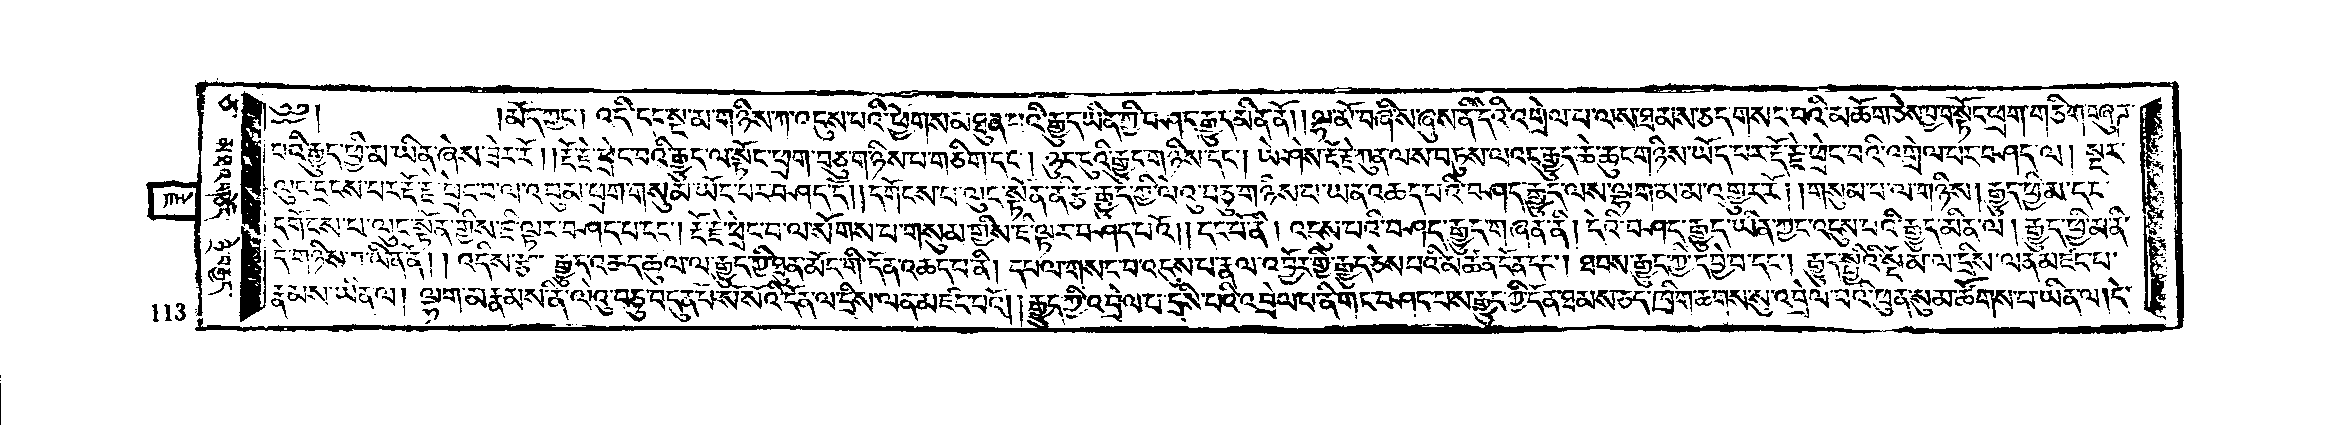༄༅། །མོད་ཀྱང་། འདི་དང་སྔ་མ་གཉིས་ཀ་འདུས་པའི་ཕྱོགས་མཐུན་པའི་རྒྱུད་ཡིན་གྱི་བཤད་རྒྱུད་མིན་ནོ། །ལྷ་མོ་བཞིས་ཞུས་ནི་དེའི་འགྲེལ་པ་ལས་ཐམས་ཅད་གསང་བའི་མཆོག་ཅེས་བྱ་བ་སྟོང་ཕྲག་གཅིག་བཞུགས་
པའི་རྒྱུད་ཕྱི་མ་ཡིན་ཞེས་ཟེར་རོ། །རྡོ་རྗེ་ཕྲེང་བའི་རྒྱུད་ལ་སྟོང་ཕྲག་བཅུ་གཉིས་པ་གཅིག་དང་། ཉུང་ངུའི་རྒྱུད་གཉིས་དང་། ཡེ་ཤེས་རྡོ་རྗེ་ཀུན་ལས་བཏུས་ལའང་རྒྱུད་ཆེ་ཆུང་གཉིས་ཡོད་པར་རྡོ་རྗེ་ཕྲེང་བའི་འགྲེལ་པར་བཤད་ལ། སྔར་
ལུང་དྲངས་པར་རྡོ་རྗེ་ཕྲེང་བ་ལ་འབུམ་ཕྲག་གསུམ་ཡོད་པར་བཤད་དོ། །དགོངས་པ་ལུང་སྟོན་ནི་རྩ་རྒྱུད་ཀྱི་ལེའུ་བཅུ་གཉིས་པ་ཡན་འཆད་པའི་བཤད་རྒྱུད་ལས་ལྷག་མ་མ་འགྱུར་རོ། །གསུམ་པ་ལ་གཉིས། རྒྱུད་ཕྱི་མ་དང་
དགོངས་པ་ལུང་སྟོན་གྱིས་ཇི་ལྟར་བཤད་པ་དང་། རྡོ་རྗེ་ཕྲེང་བ་ལ་སོགས་པ་གསུམ་གྱིས་ཇི་ལྟར་བཤད་པའོ། །དང་པོ་ནི། འདུས་པའི་བཤད་རྒྱུད་གཞན་ནི། དེའི་བཤད་རྒྱུད་ཡིན་ཀྱང་འདུས་པའི་རྒྱུད་མིན་ལ། རྒྱུད་ཕྱི་མ་ནི་
དེ་གཉིས་ཀ་ཡིན་ནོ། །འདིས་རྩ་རྒྱུད་འཆད་ཚུལ་ལ་རྒྱུད་ཀྱི་ཐུན་མོང་གི་དོན་འཆད་པ་ནི། དཔལ་གསང་བ་འདུས་པ་རྣལ་འབྱོར་གྱི་རྒྱུད་ཅེས་པའི་མཚན་དོན་དང་། ཐབས་རྒྱུད་ཀྱི་དབྱེ་བ་དང་། རྒྱུད་སྤྱིའི་སྡོམ་ལ་དྲིས་ལན་མཛད་པ་
རྣམས་ཡིན་ལ། ལྷག་མ་རྣམས་ནི་ལེའུ་བཅུ་བདུན་པོ་སོ་སོའི་དོན་ལ་དྲིས་ལན་མཛད་པའོ། །རྒྱུད་ཀྱི་འབྲེལ་བ་དྲིས་པའི་འབྲེལ་པ་ནི་གང་བཤད་པས་རྒྱུད་ཀྱི་དོན་ཐམས་ཅད་ཁྲིག་ཆགས་སུ་འབྲེལ་བའི་ཕུན་སུམ་ཚོགས་པ་ཡིན་ལ། དེ་